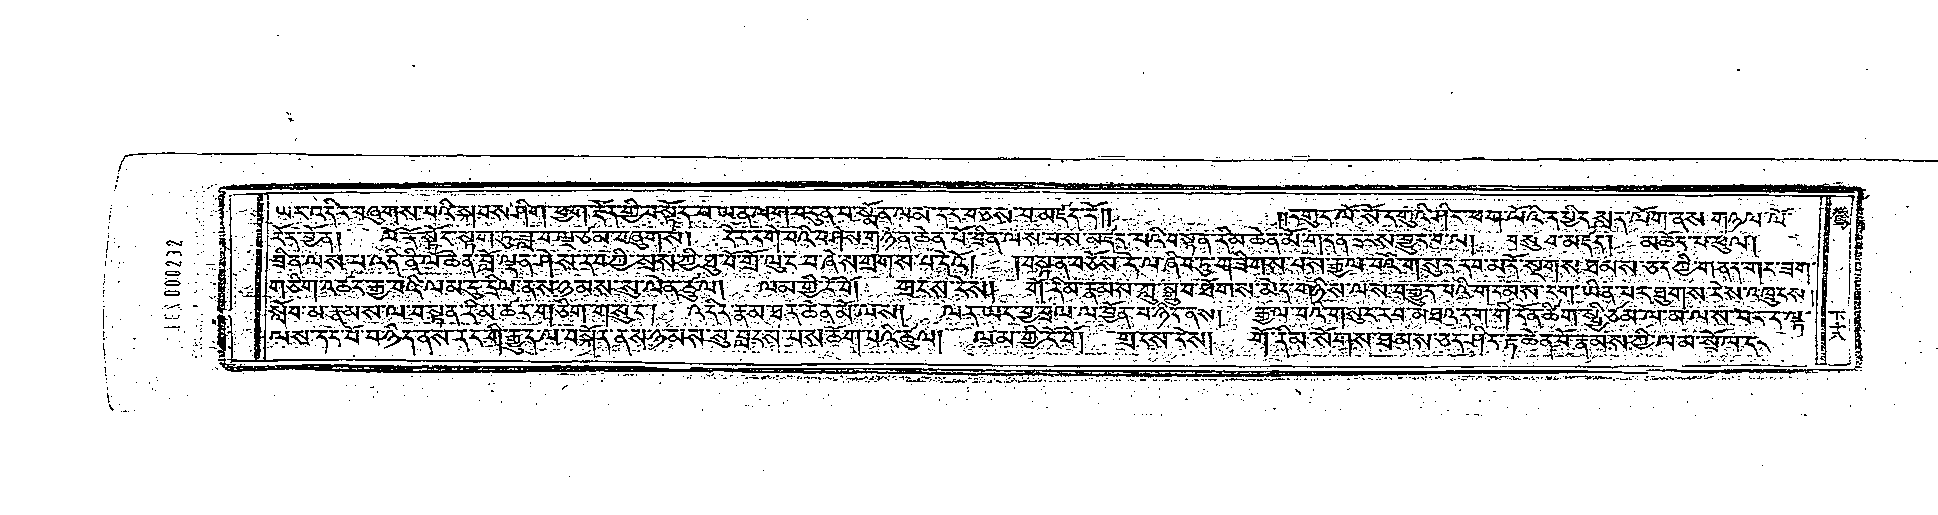ཡང་འདིར་བཞུགས་པའི་སྐབས་ཤིག་ཕྱག་རྡོར་གྱི་བསྟོད་པ་ཡན་ལག་བདུན་པ་སྨོན་ལམ་དང་བཅས་བ་མཛད་དོ།། །།དགུང་ལོ་སོ་དགུའི་ཤིང་ཕག་ལོའི་དཔྱིད་སླར་ལོག་ནས་གཉལ་ལོ་
རོར་བྱོན། ལོ་རོ་སྟོང་སྟག་ཏུ་ཟླ་བ་ལྔ་ཙམ་བཞུགས། དེར་དགེ་བའི་བཤེས་གཉེན་ཆེན་པོ་བྲིན་ལས་པས་མཛད་པའི་བསྟན་རིམ་ཆེན་མོ་གདན་དྲངས་བྱུང་བ་ལ། བསུ་བ་མཛད། མཆོད་པ་ཕུལ།
ཕྲིན་ལས་པ་འདི་ནི་ལོ་ཆེན་བློ་ལྡན་ཤེས་རབ་ཀྱི་སྲས་ཀྱི་ཐུབ་བོ་གྲོ་ལུང་པ་ཞེས་གྲགས་པ་དེའོ། །བསྟན་བཅོས་དེ་ལ་ཞིབ་ཏུ་གཟིགས་པས་རྒྱལ་བའི་གསུང་རབ་མདོ་སྔགས་ཐམས་ཅད་ཀྱི་གནད་གང་ཟག་
གཅིག་འཚང་རྒྱ་བའི་ལམ་དུ་དྲིལ་ནས་ཉམས་སུ་ལེན་ཚུལ། ལམ་གྱི་ངོ་བོ། གྲངས་ངེས། གོ་རིམ་རྣམས་ཀླུ་སྒྲུབ་ཐོགས་མེད་གཉིས་ལས་བརྒྱུད་པའི་གདམས་ངག་ཡིན་པར་ཐུགས་ངེས་འཁྲུངས།
སློབ་མ་རྣམས་ལ་བསྟན་རིམ་ཚར་གཅིག་གསུང་། འདིར་རྣམ་ཐར་ཆེན་མོ་ལས། ལར་ཡང་བྱ་བྲལ་ལ་བྱོན་པ་ཉིད་ནས། རྒྱལ་བའི་གསུང་རབ་མཐའ་དག་གི་དོན་ཚིག་སྤྱི་ཙམ་ལ་མ་ལས་པར་ད་ལྟ་
ལས་དང་པོ་པ་ཉིད་ནས་རང་གི་རྒྱུད་ལ་བསྐོར་ནས་ཉམས་སུ་བླངས་པས་ཆོག་པའི་ཚུལ། ལམ་གྱི་ངོ་བོ། གྲངས་ངེས། གོ་རིམ་སོགས་ཐམས་ཅད་ཤིང་རྟ་ཆེན་པོ་རྣམས་ཀྱི་ལམ་སྲོལ་དང་